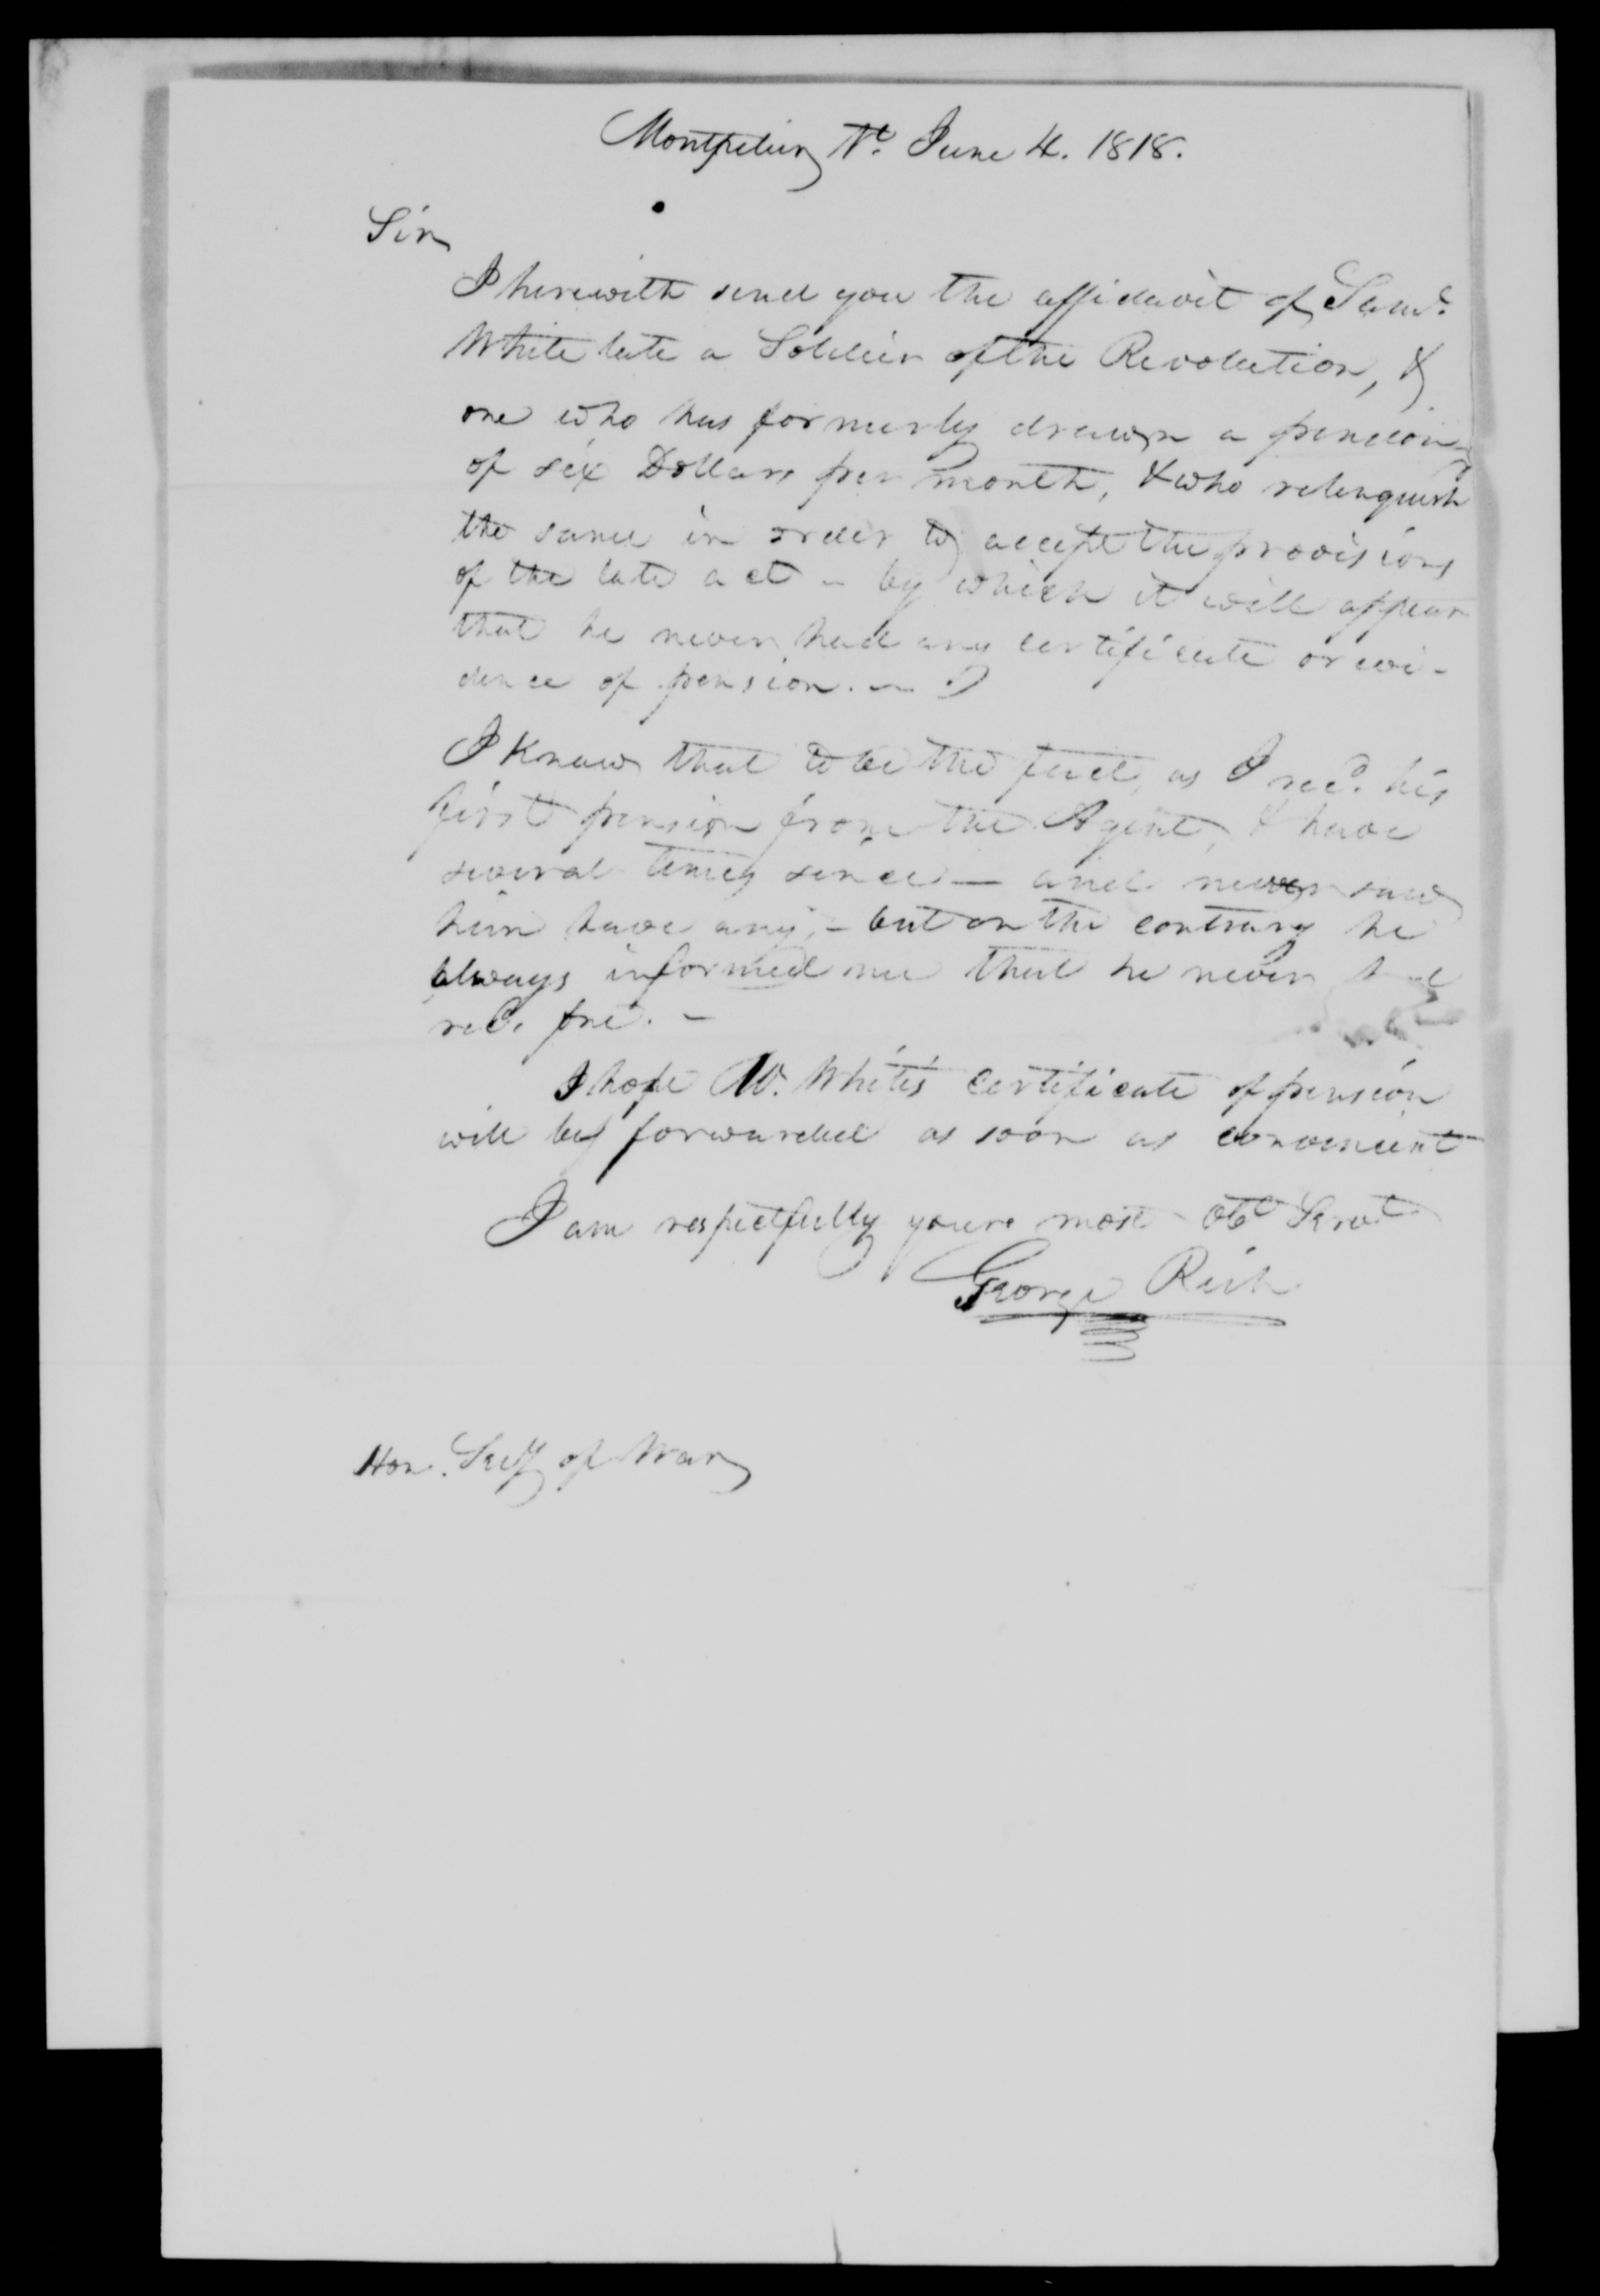Montpelier Vt. June 4, 1818

Sir
I herewith send you the affidavit of Saml. White late a soldier of the Revolution & one who has formerly drawn a pension of six Dollars per month & who relinquished the same in order to accept the provisions of the late act, by which it will appear that he never rec'd his certificate or evidence of pension.
I know that to be the facts as I rec'd his first pension from the Agent & have several times since--and never saw him have any, but on the contrary he always informed me that he never had rec'd one.
I hop Mr. White's certificate of pension will be forwarded as soon as convenient.
I am respectfully our most obt. servt.
George Rich

Hon. Secy. of War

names: George Rich, Saml White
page: 78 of 79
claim: survivor's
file: S. 11759, Samuel White, Mass.